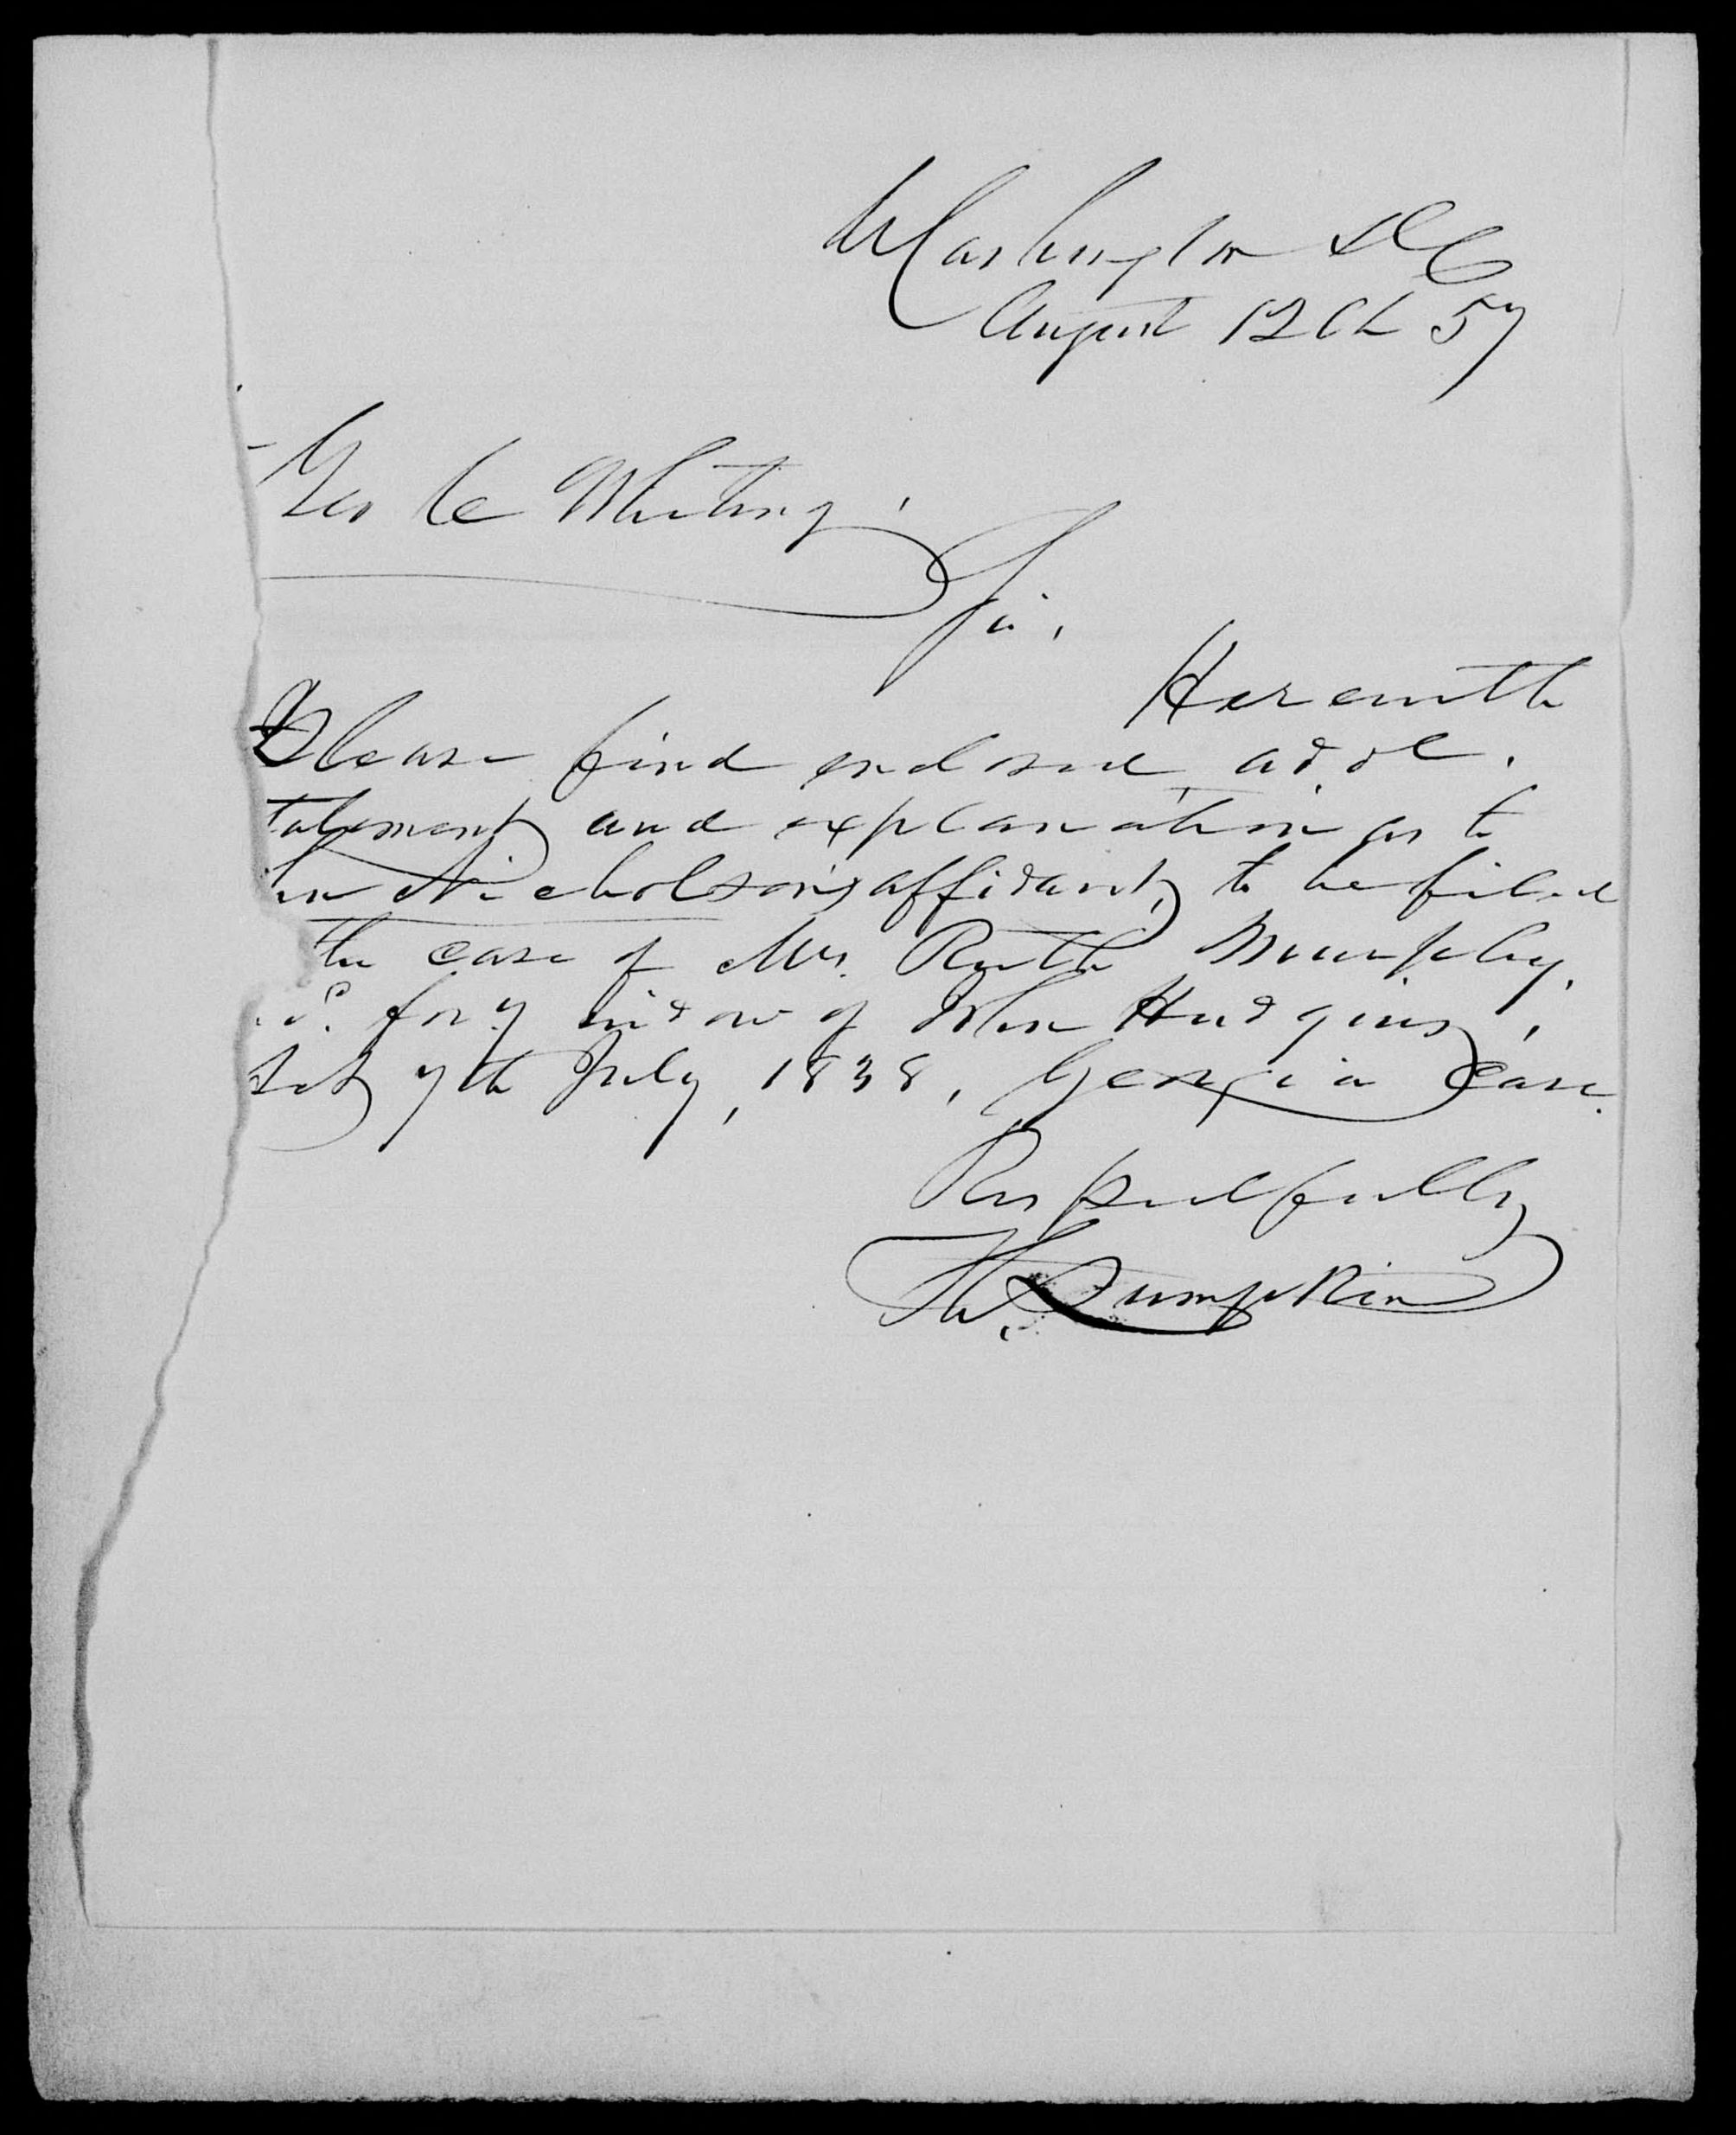Washington D.C.
August 12 1857

Mr. GC Whiting
Sir
Herewith Please find enclosed a testimony and explanation as to (the page is folded over here and the word cut off) affidavit to be filed in the case of Mrs Ruth Murphy, (words folded over ) of John Hudgins, 7th July, 1838
Respectfully,
Hon Lumpkin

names: Th Lumpkin, Geo C Whiting, Ruth Murphy, John Hudgins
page: 28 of 108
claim: rejected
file: R. 7,515, John Hudgins, N.C.